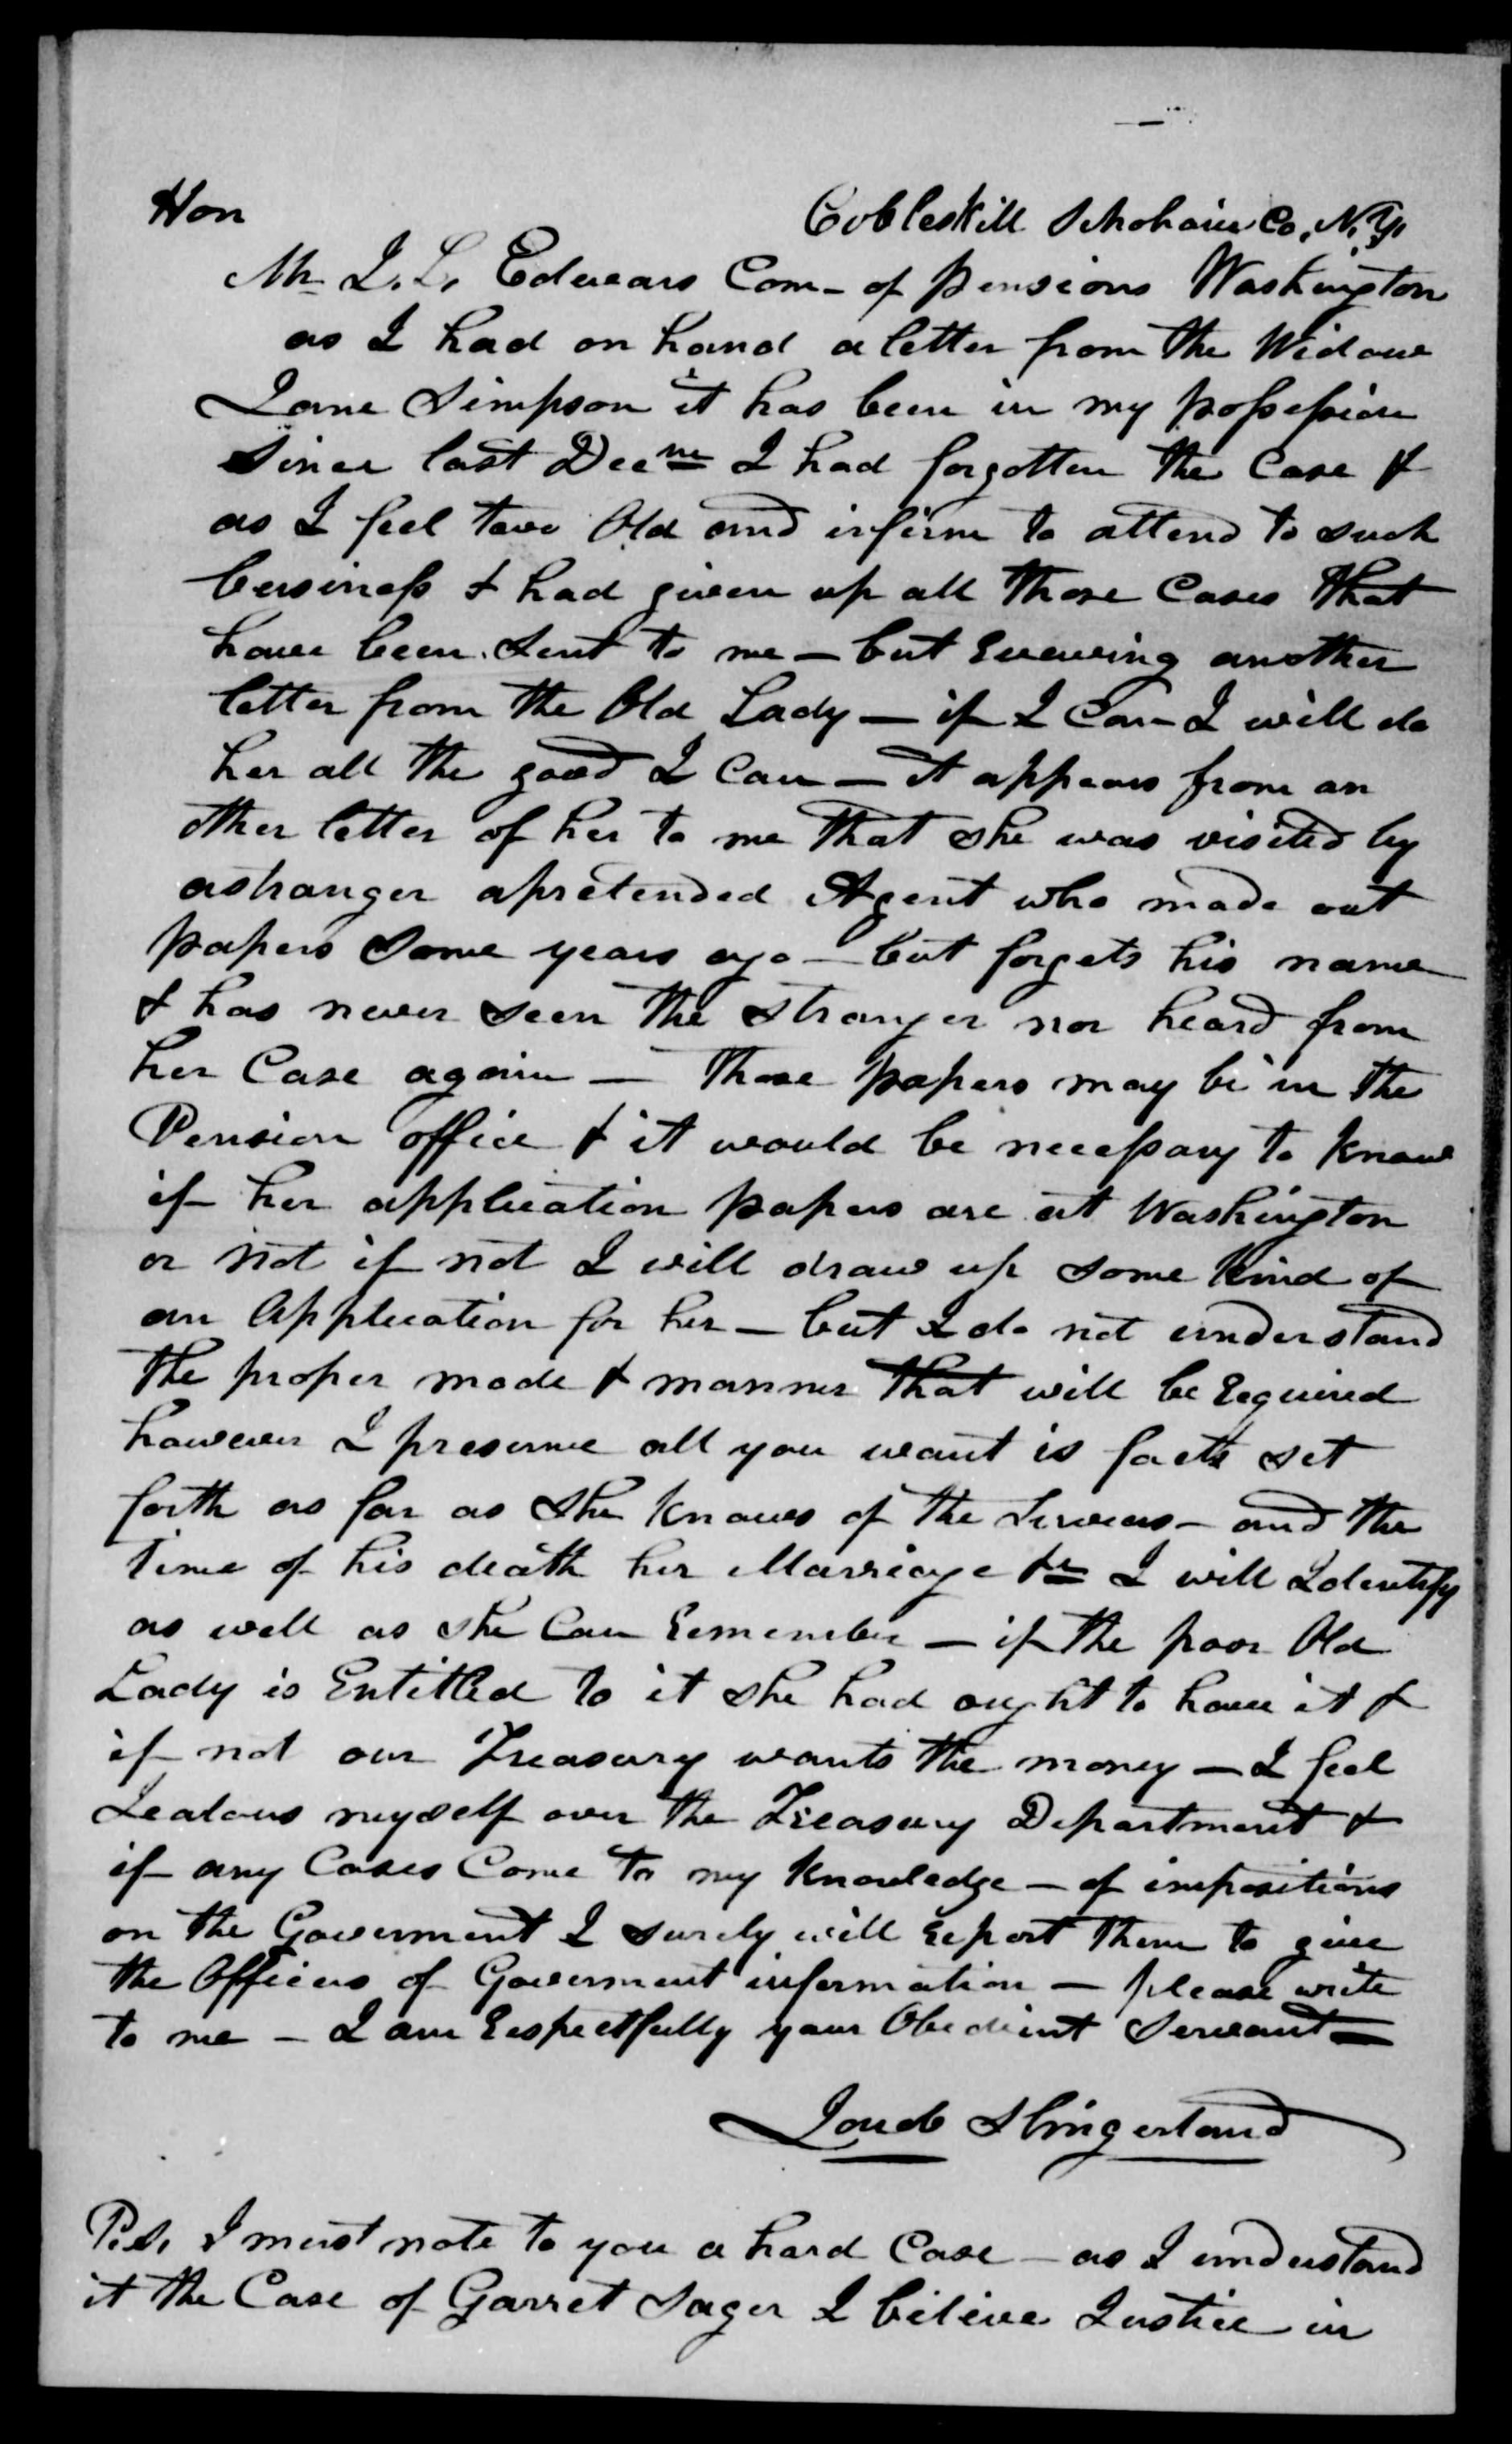Cobleskill Schoharie Co. N.Y.

Hon Mr J. L. Edwards Com- of Pensions Washington
as I had on hand a letter from the Widow
Jane Simpson it has been in my possession
since last Decr I had forgotten the case & as I feel too Old and infirm to attend to such
business & had given up all those cases that
have been sent to me - but receiving another
letter from the old Lady- if I can I will do her all the good I can-  it appears from another letter of her to me that she was visited by a stranger pretended Agent who made out papers some years ago-- but forgets his name & has never seen the stranger nor heard from her case again-- Those papers may be in the Pension office & it would be necessary to know if her application papers are at Washington or not if not I will draw up some kind of an application for her-- but I do not understand the proper mode & manner that will be required however I presume all you want is facts set forth as far as she knows of the Services- and the time of his death her Marriage &c   I will testify as well as she can remember-- if the poor Old Lady is entitled to it she had ought to have it & if not our Treasury wants the money-- I feeljealous myself over the Treasury Department & if any cases come to my knowledge of impositions
on the Gover[n]ment I surely will report them to give the Officers of Gover[n]ment information - please write to me-- I am respectfully your Obedient Servant
Jacob Slingerland

P.S. I must note to you a hard case, as I understand it the Case of Garret Sager I believe Justice in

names: Garret Sager; Jacob Slingerland; J L Edwards; Jane Simpson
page: 28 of 35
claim: rejected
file: R. 9601, for John Simson, New Jersey